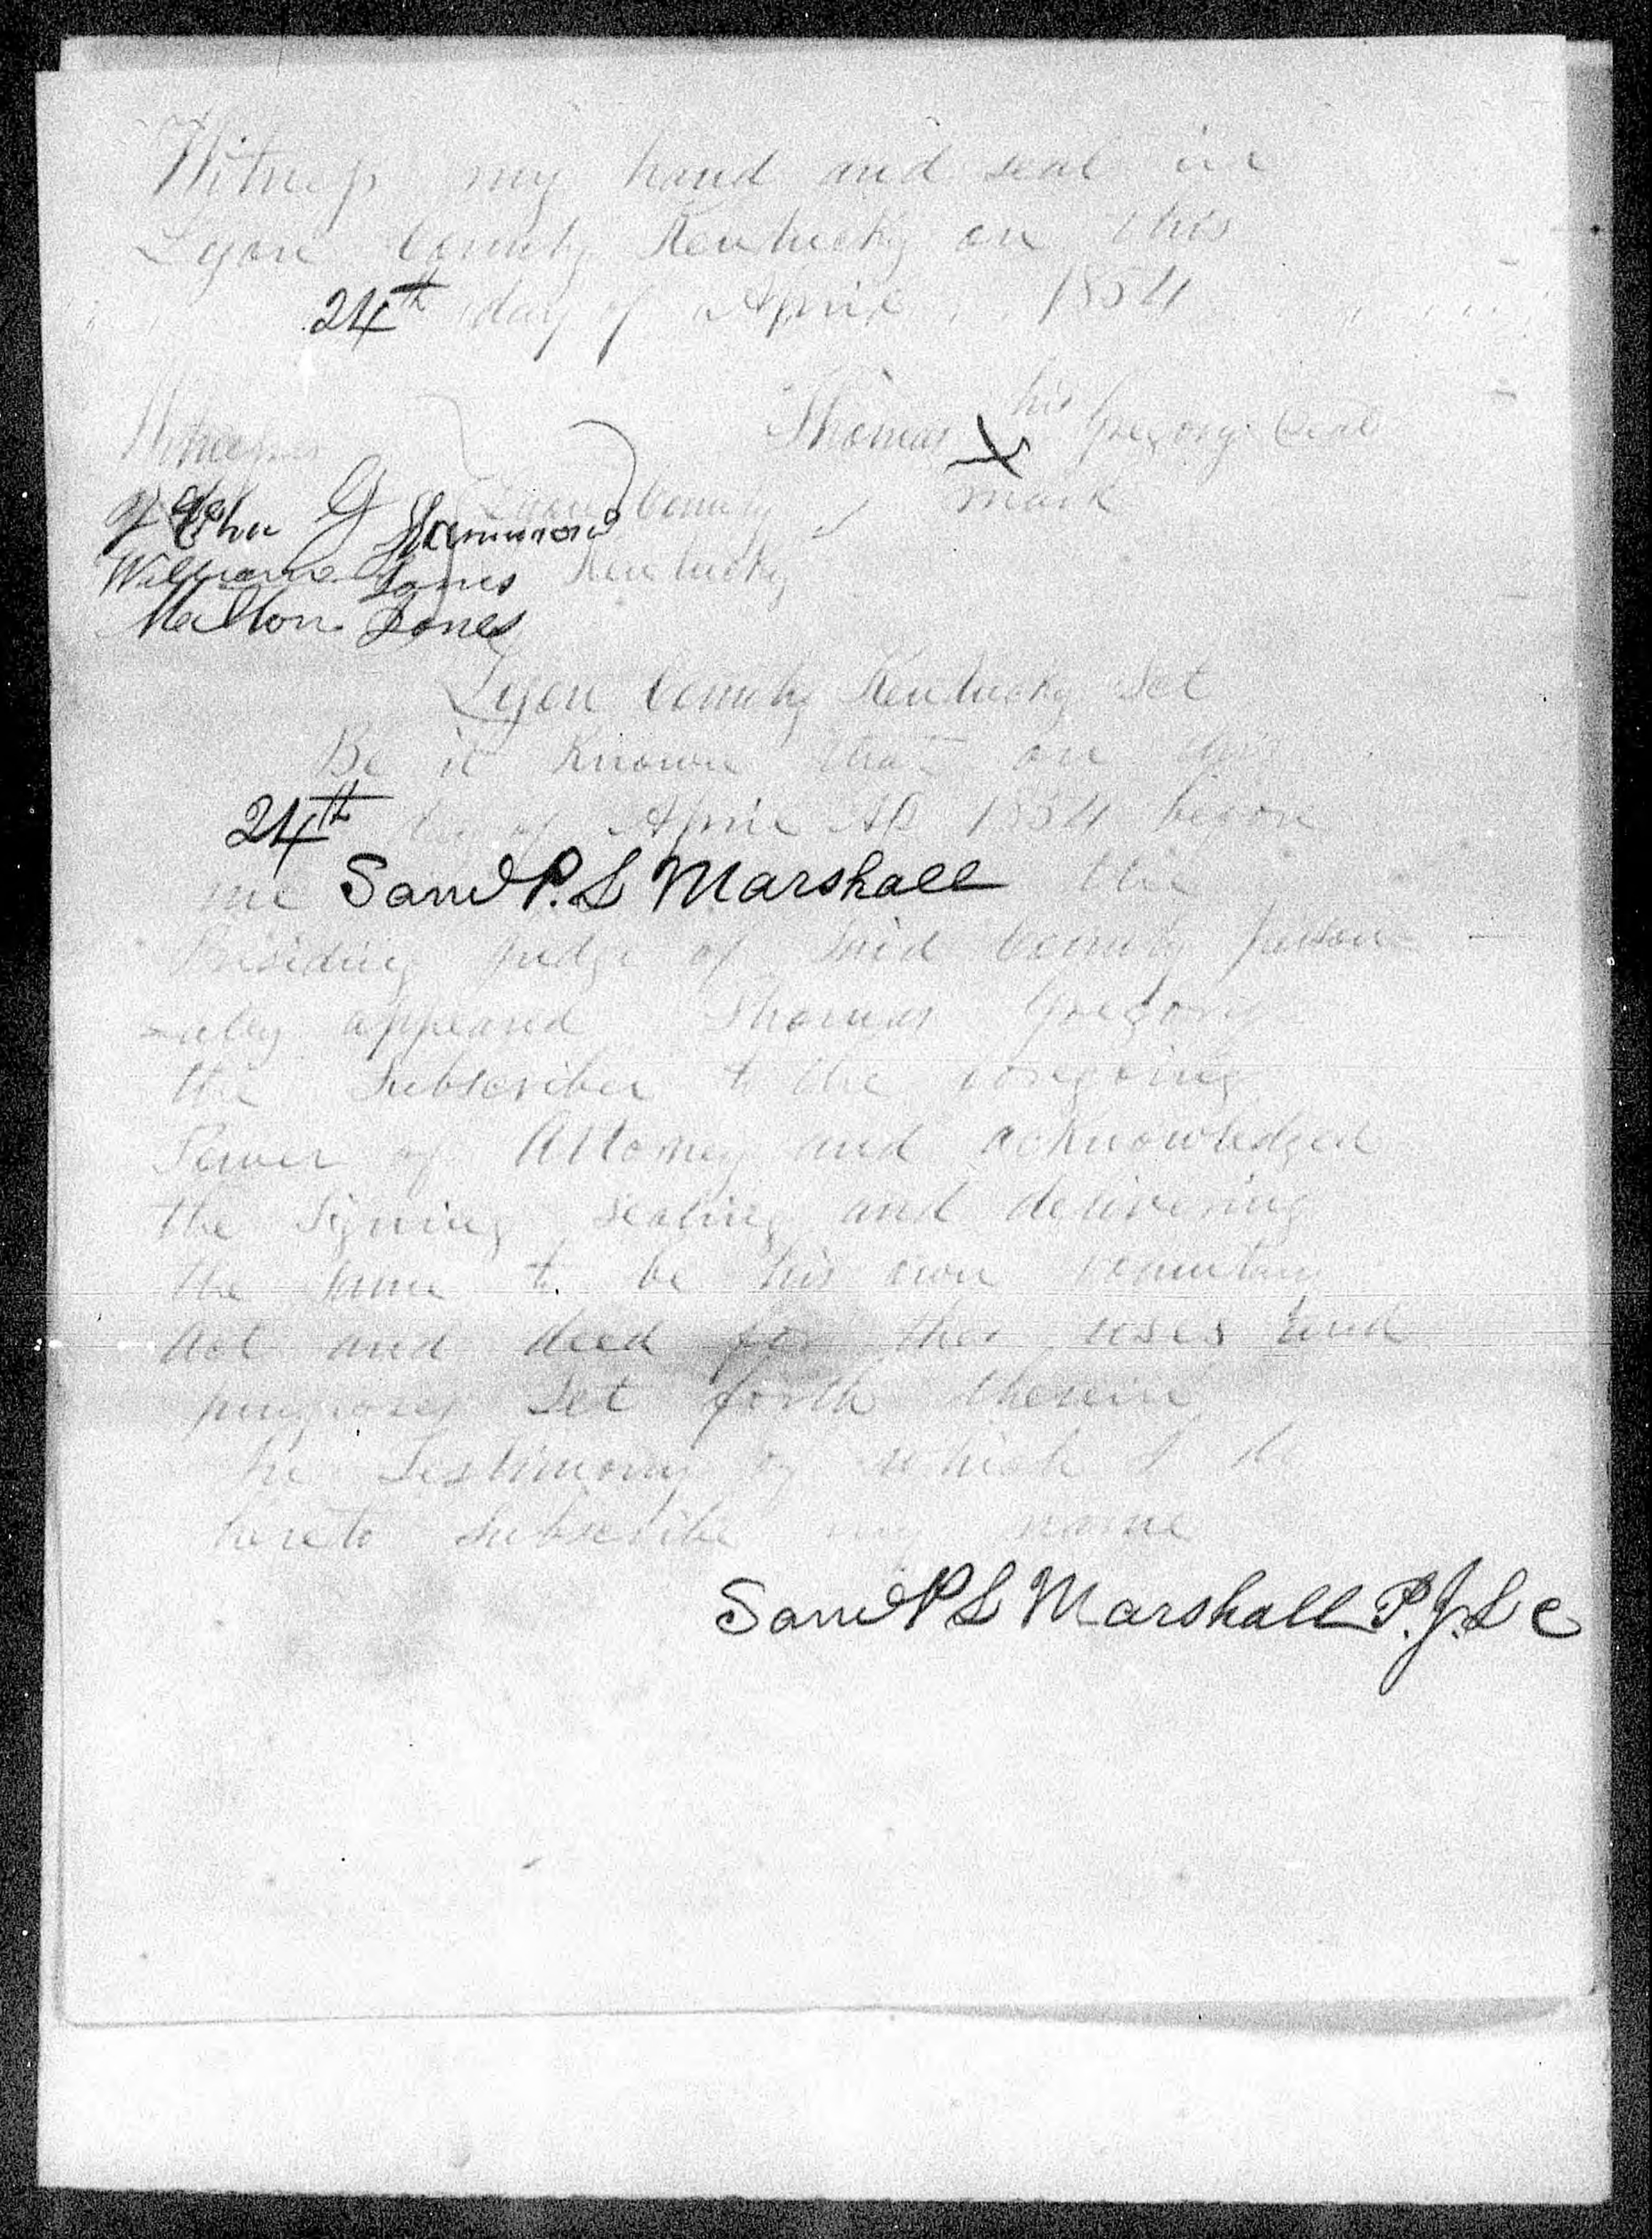Witness my hand and seal in Lyon County Kentucky on this 24th day of April, 1854
Thomas  his X mark  Gregory (seal)
Witnesses
John G Hammond
William Jones
Milton Jones

Lyon County
Kentucky

Lyon County Kentucky Sct
Be it known that on the 24th day of April AD 1854 before me Sam'l P. S Marshall the Presiding Judge of Said County personally appeared Thomas Gregory the Subscriber to the foregoing Power of Attorney and acknowledged the signing, sealing, and delivering the same to be his own voluntary act and deed for the uses and purposes set forth therein
In Testimony of which I do hereto subscribe my name
Sam'l P S. Marshall P.J. S.c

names: Milton Jones, Thomas Gregory, Saml P L Marshall, John G Hammond, Thomas Gregory, William Jones, Saml P L Marshall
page: 70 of 75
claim: widow's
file: W. 8876, Thomas Gregory, Continental Va